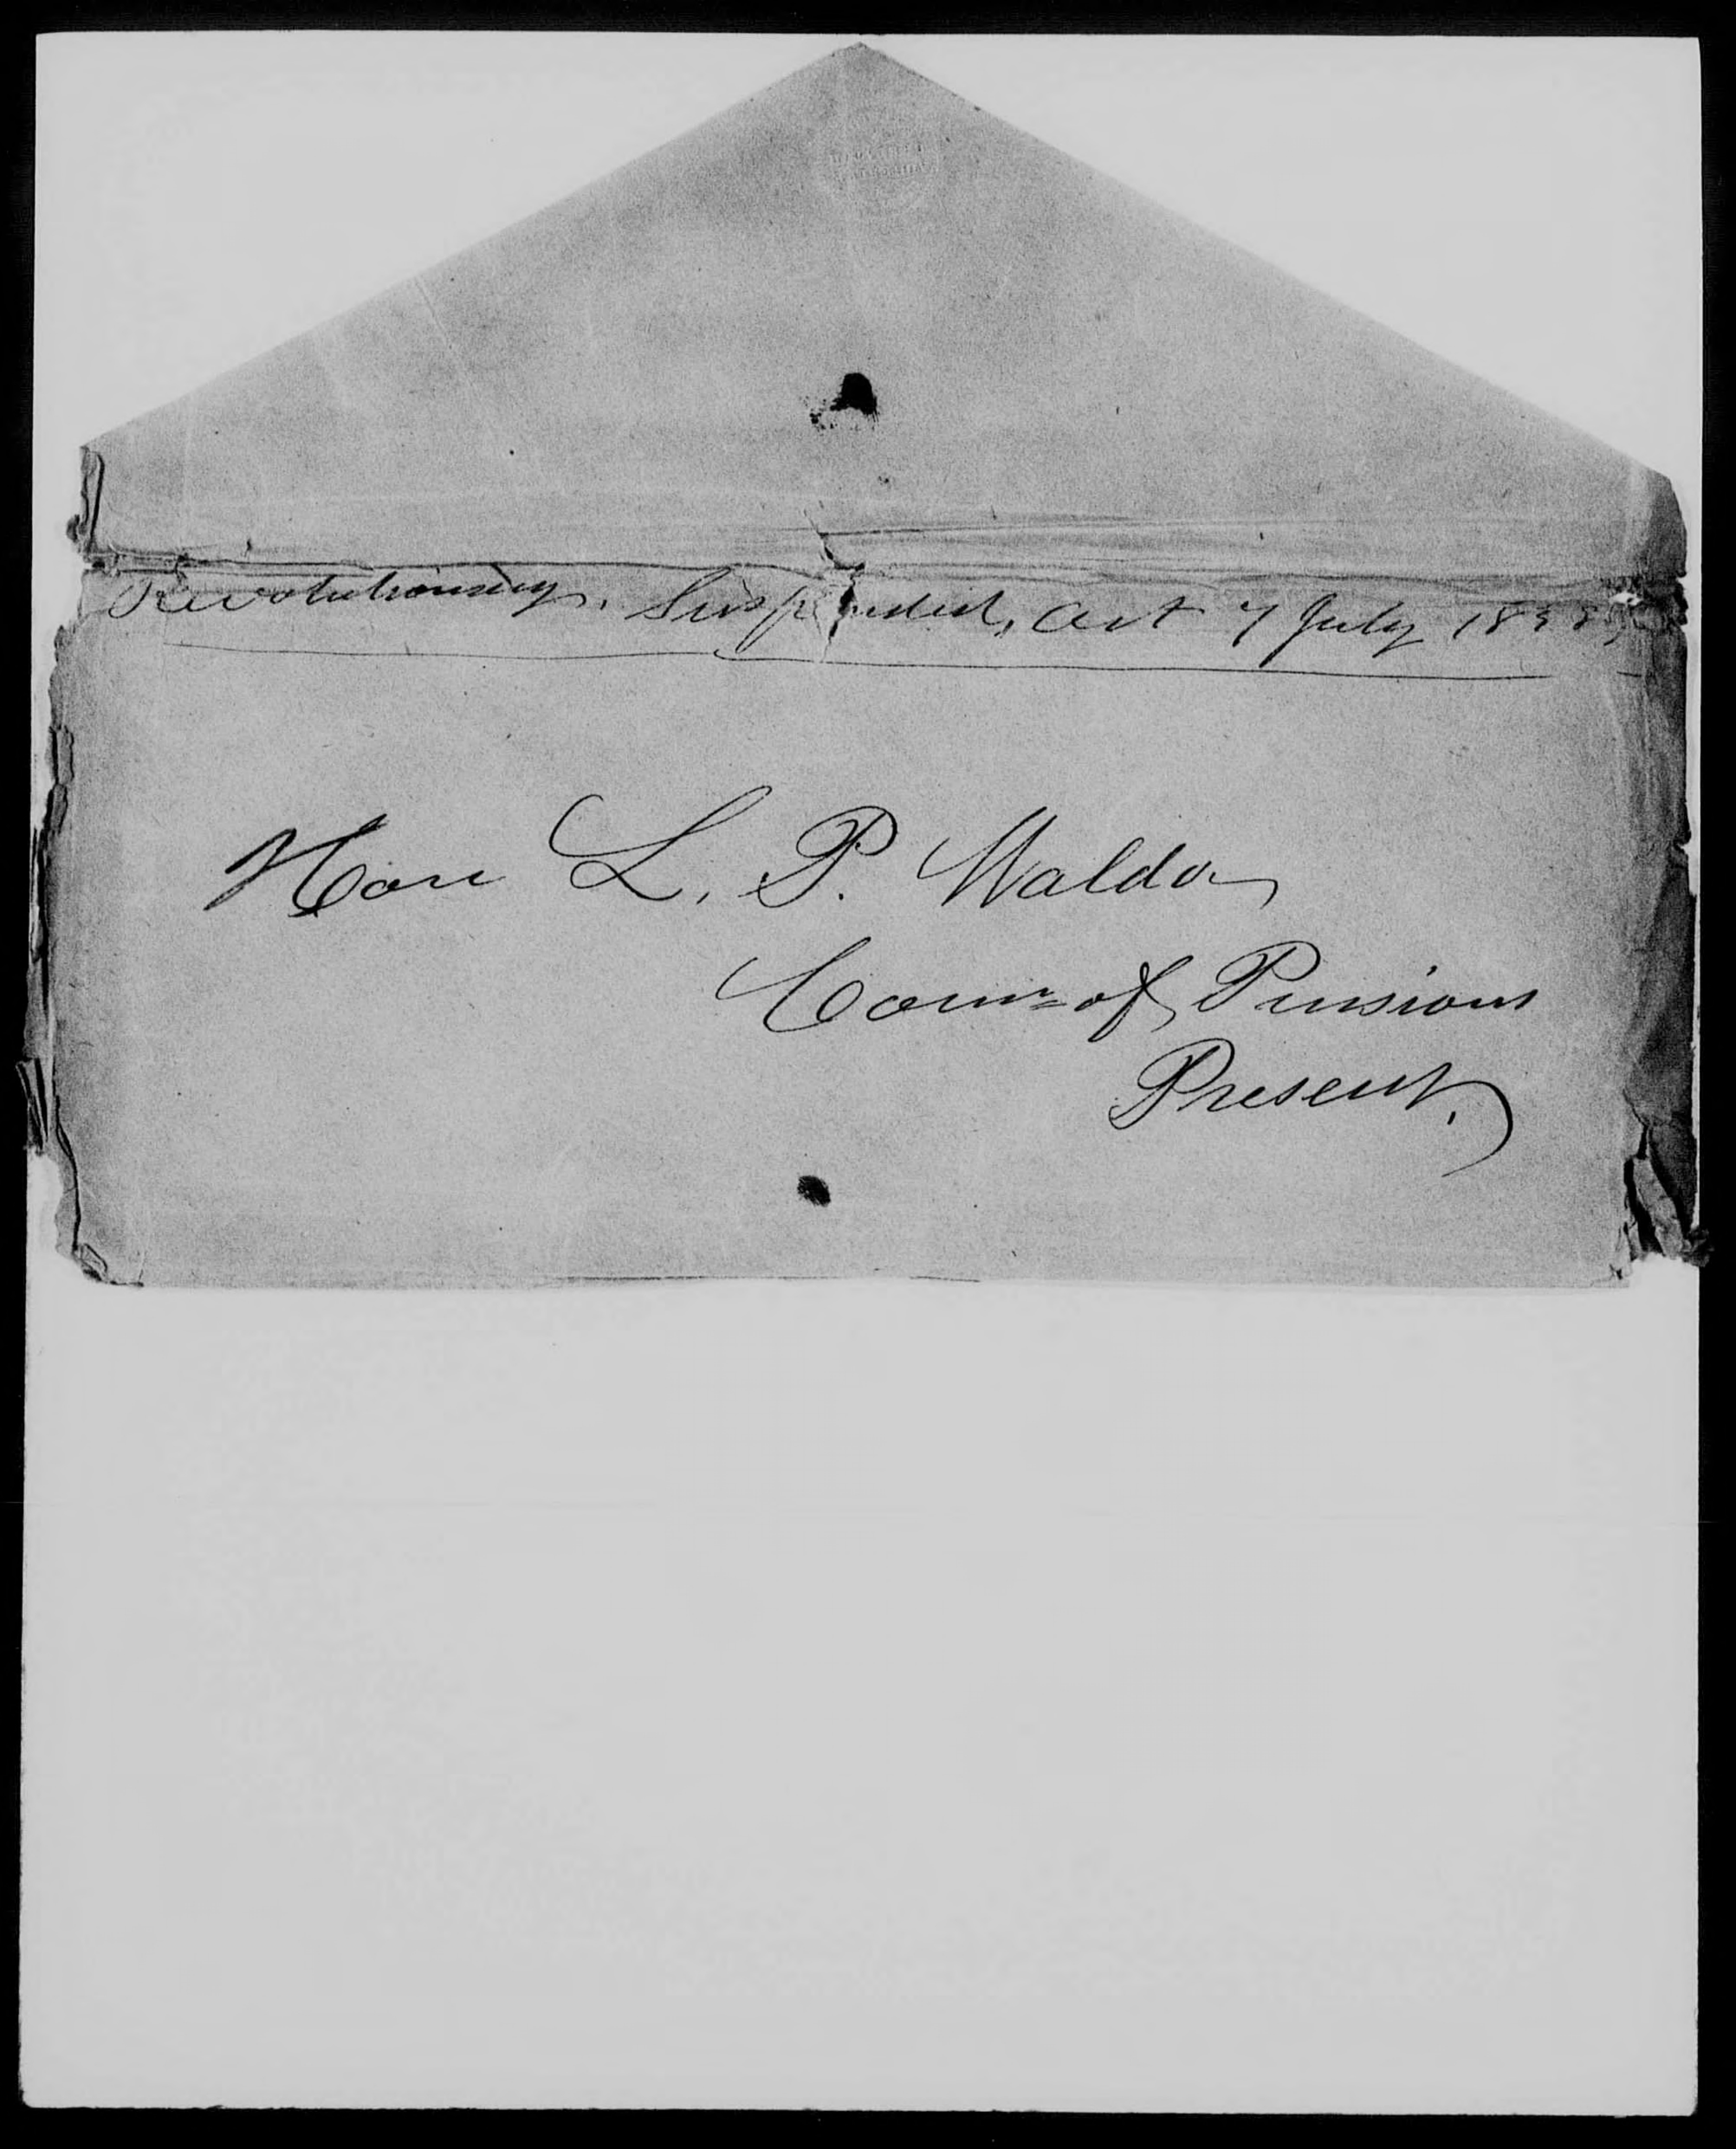Revolutionary, Suspended, act 7 July 1838
Hon L. P. Waldo
Comn of Pensions
Present.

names: L P Waldo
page: 20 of 84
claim: widow's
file: W. 7744, Daniel Hickey, Penn.